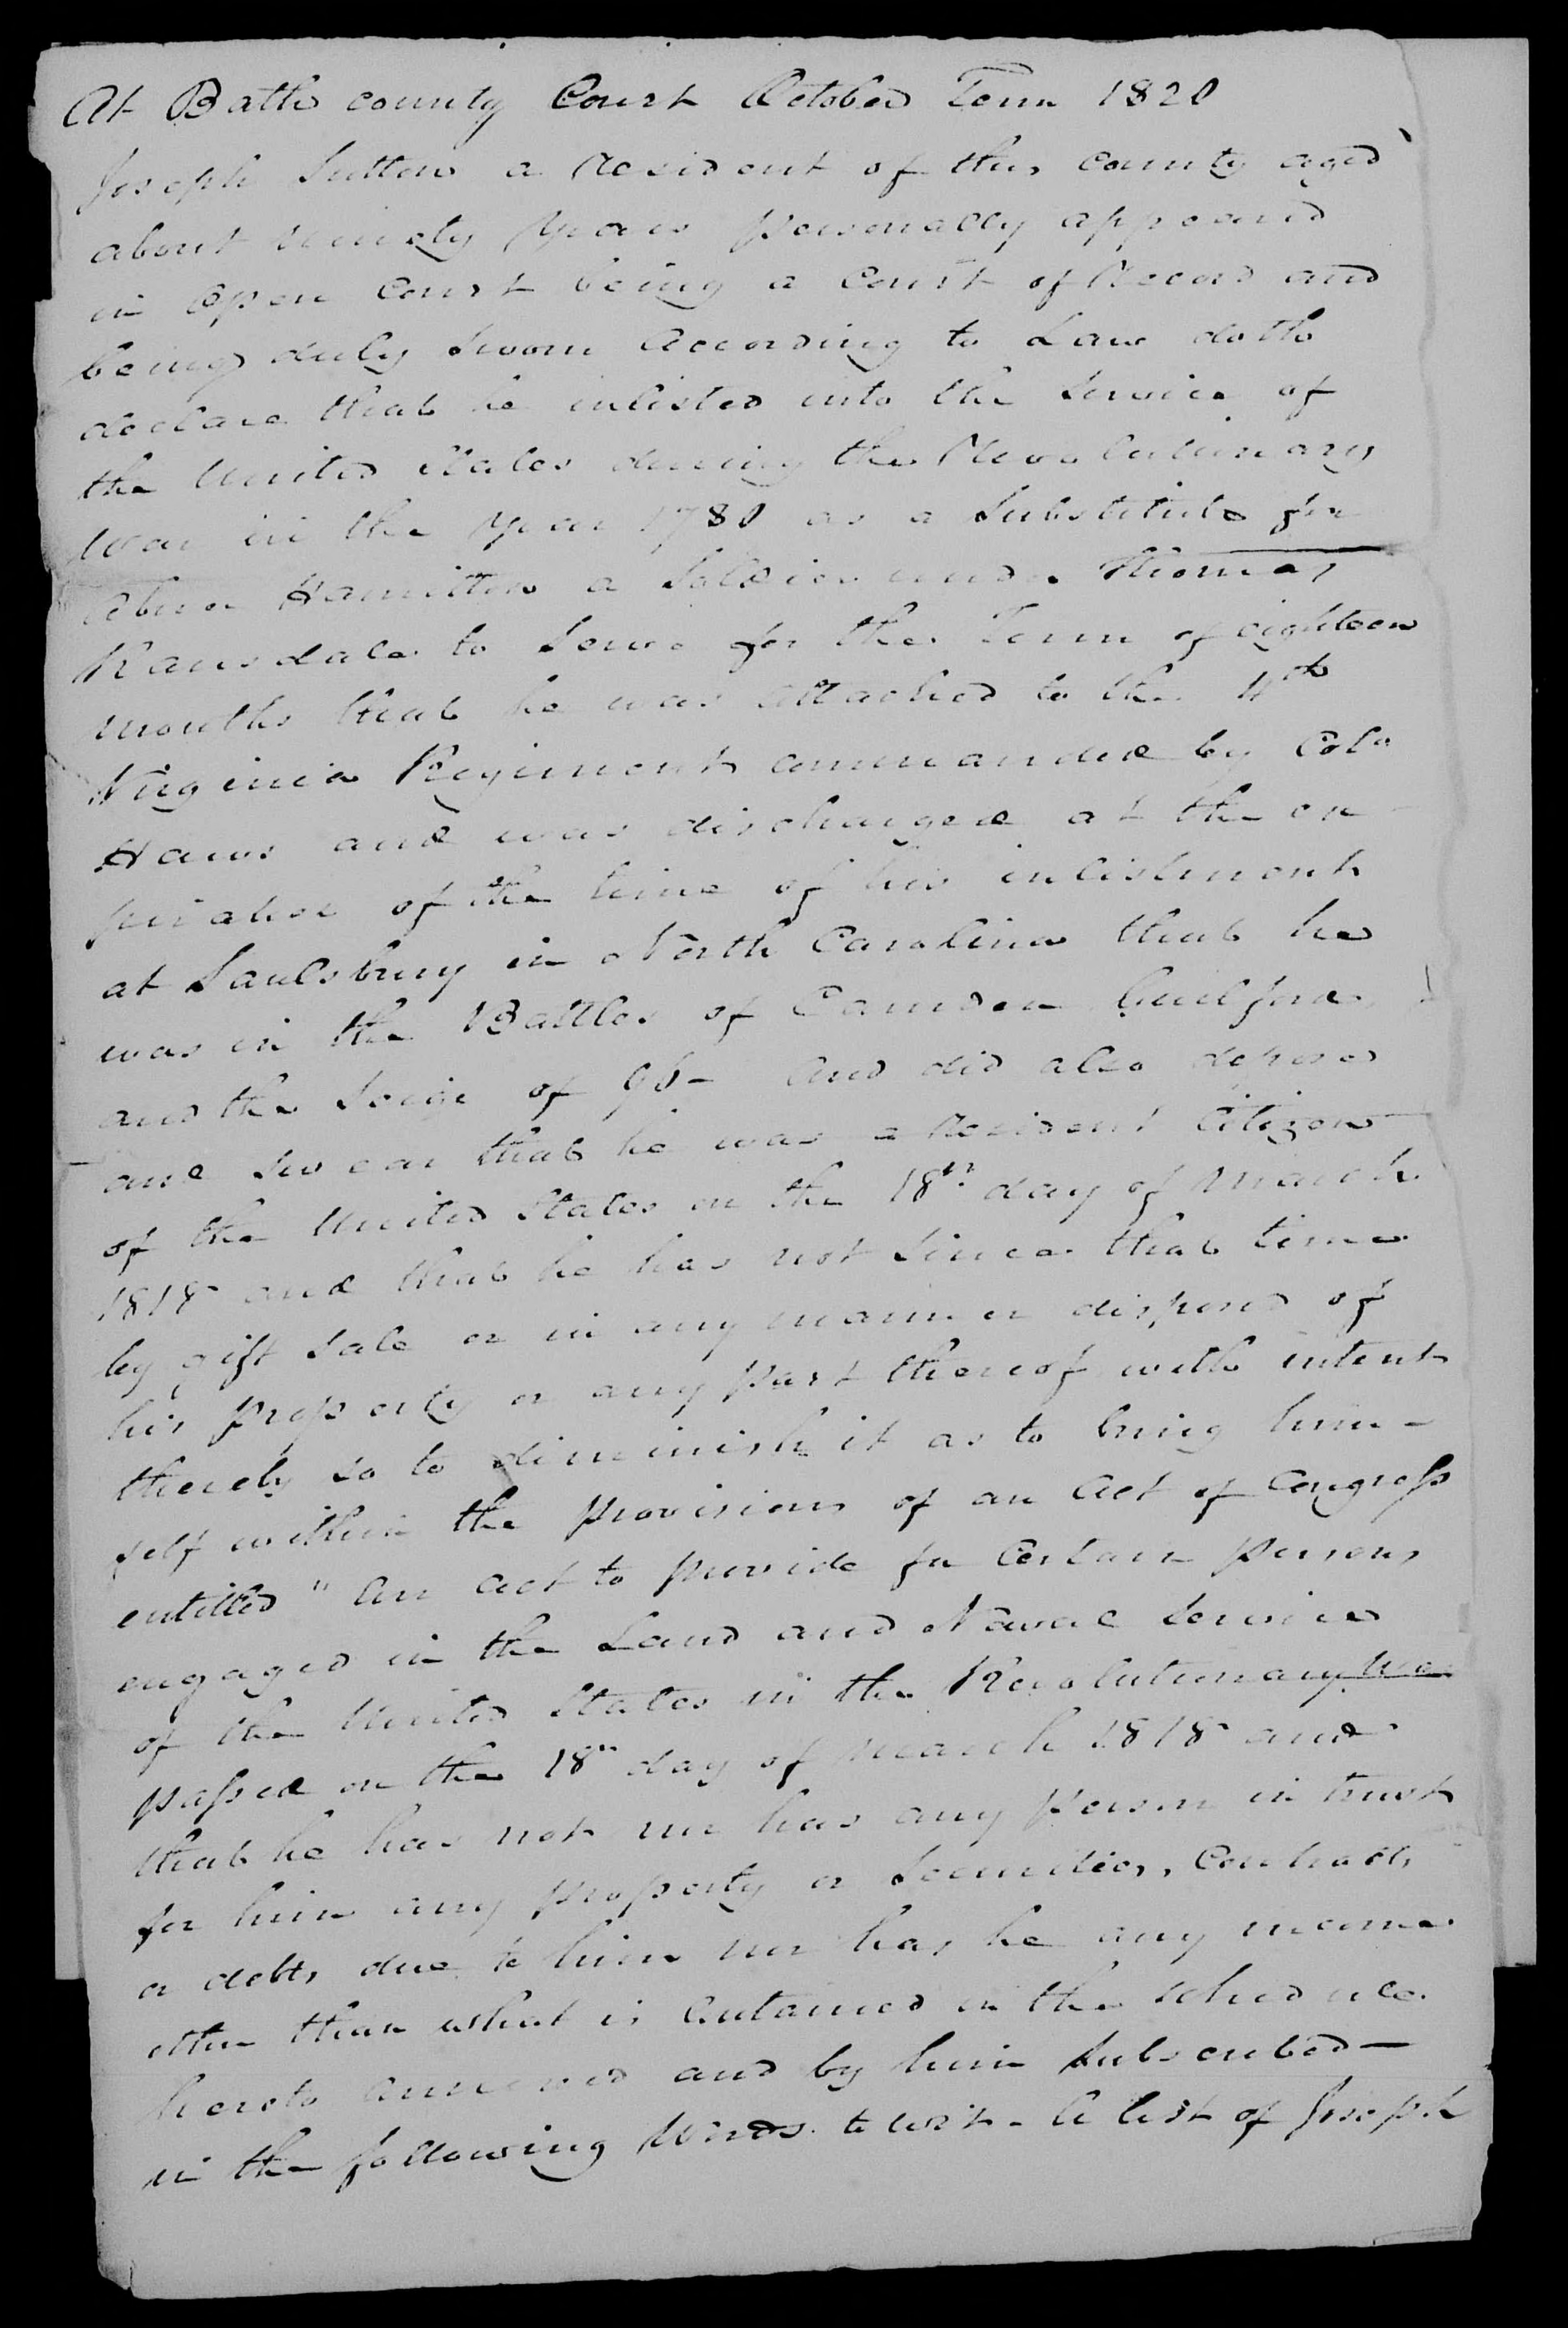At Bath County Court October Term 1820
Joseph Sutton a resident of this county aged about seventy years personally appeared in open court being a court of record and being duly sworn according to law doth declare that he enlisted in toe service of  the United States during the  revolutionary war in the year 1780 as a substitute for Abner Hamilton a soldier and Thomas Randal to serve for the term of eighteen months that he was attached to the 4th Virginia regiment commanded by Colonel Haws and was discharged at the end per a list of the time of his enlistment at Saulsbury in North Carolina that he was in the Battle of Camden Guilford and the siege of 96 and did also discharge service that he was a resident citizen of the United States on the 18th day of March 1818 and that he has not since that time by gift sale or in any manner or dispose of his property or any part thereof with intent hereby so to diminish it as to bring himself within the provisions of an act of Congress entitled "An act of provide for certain persons engaged in the law and Naval service of the United States in the Revolutionary war papered on the 18th day of March 1818 and that he has not one had any person in trust a debt due to him nor has he any income and that what is contained on the schedule is the following words to list a list of property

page: 11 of 21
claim: survivor's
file: S. 41223, for Joseph Sutton, Virginia